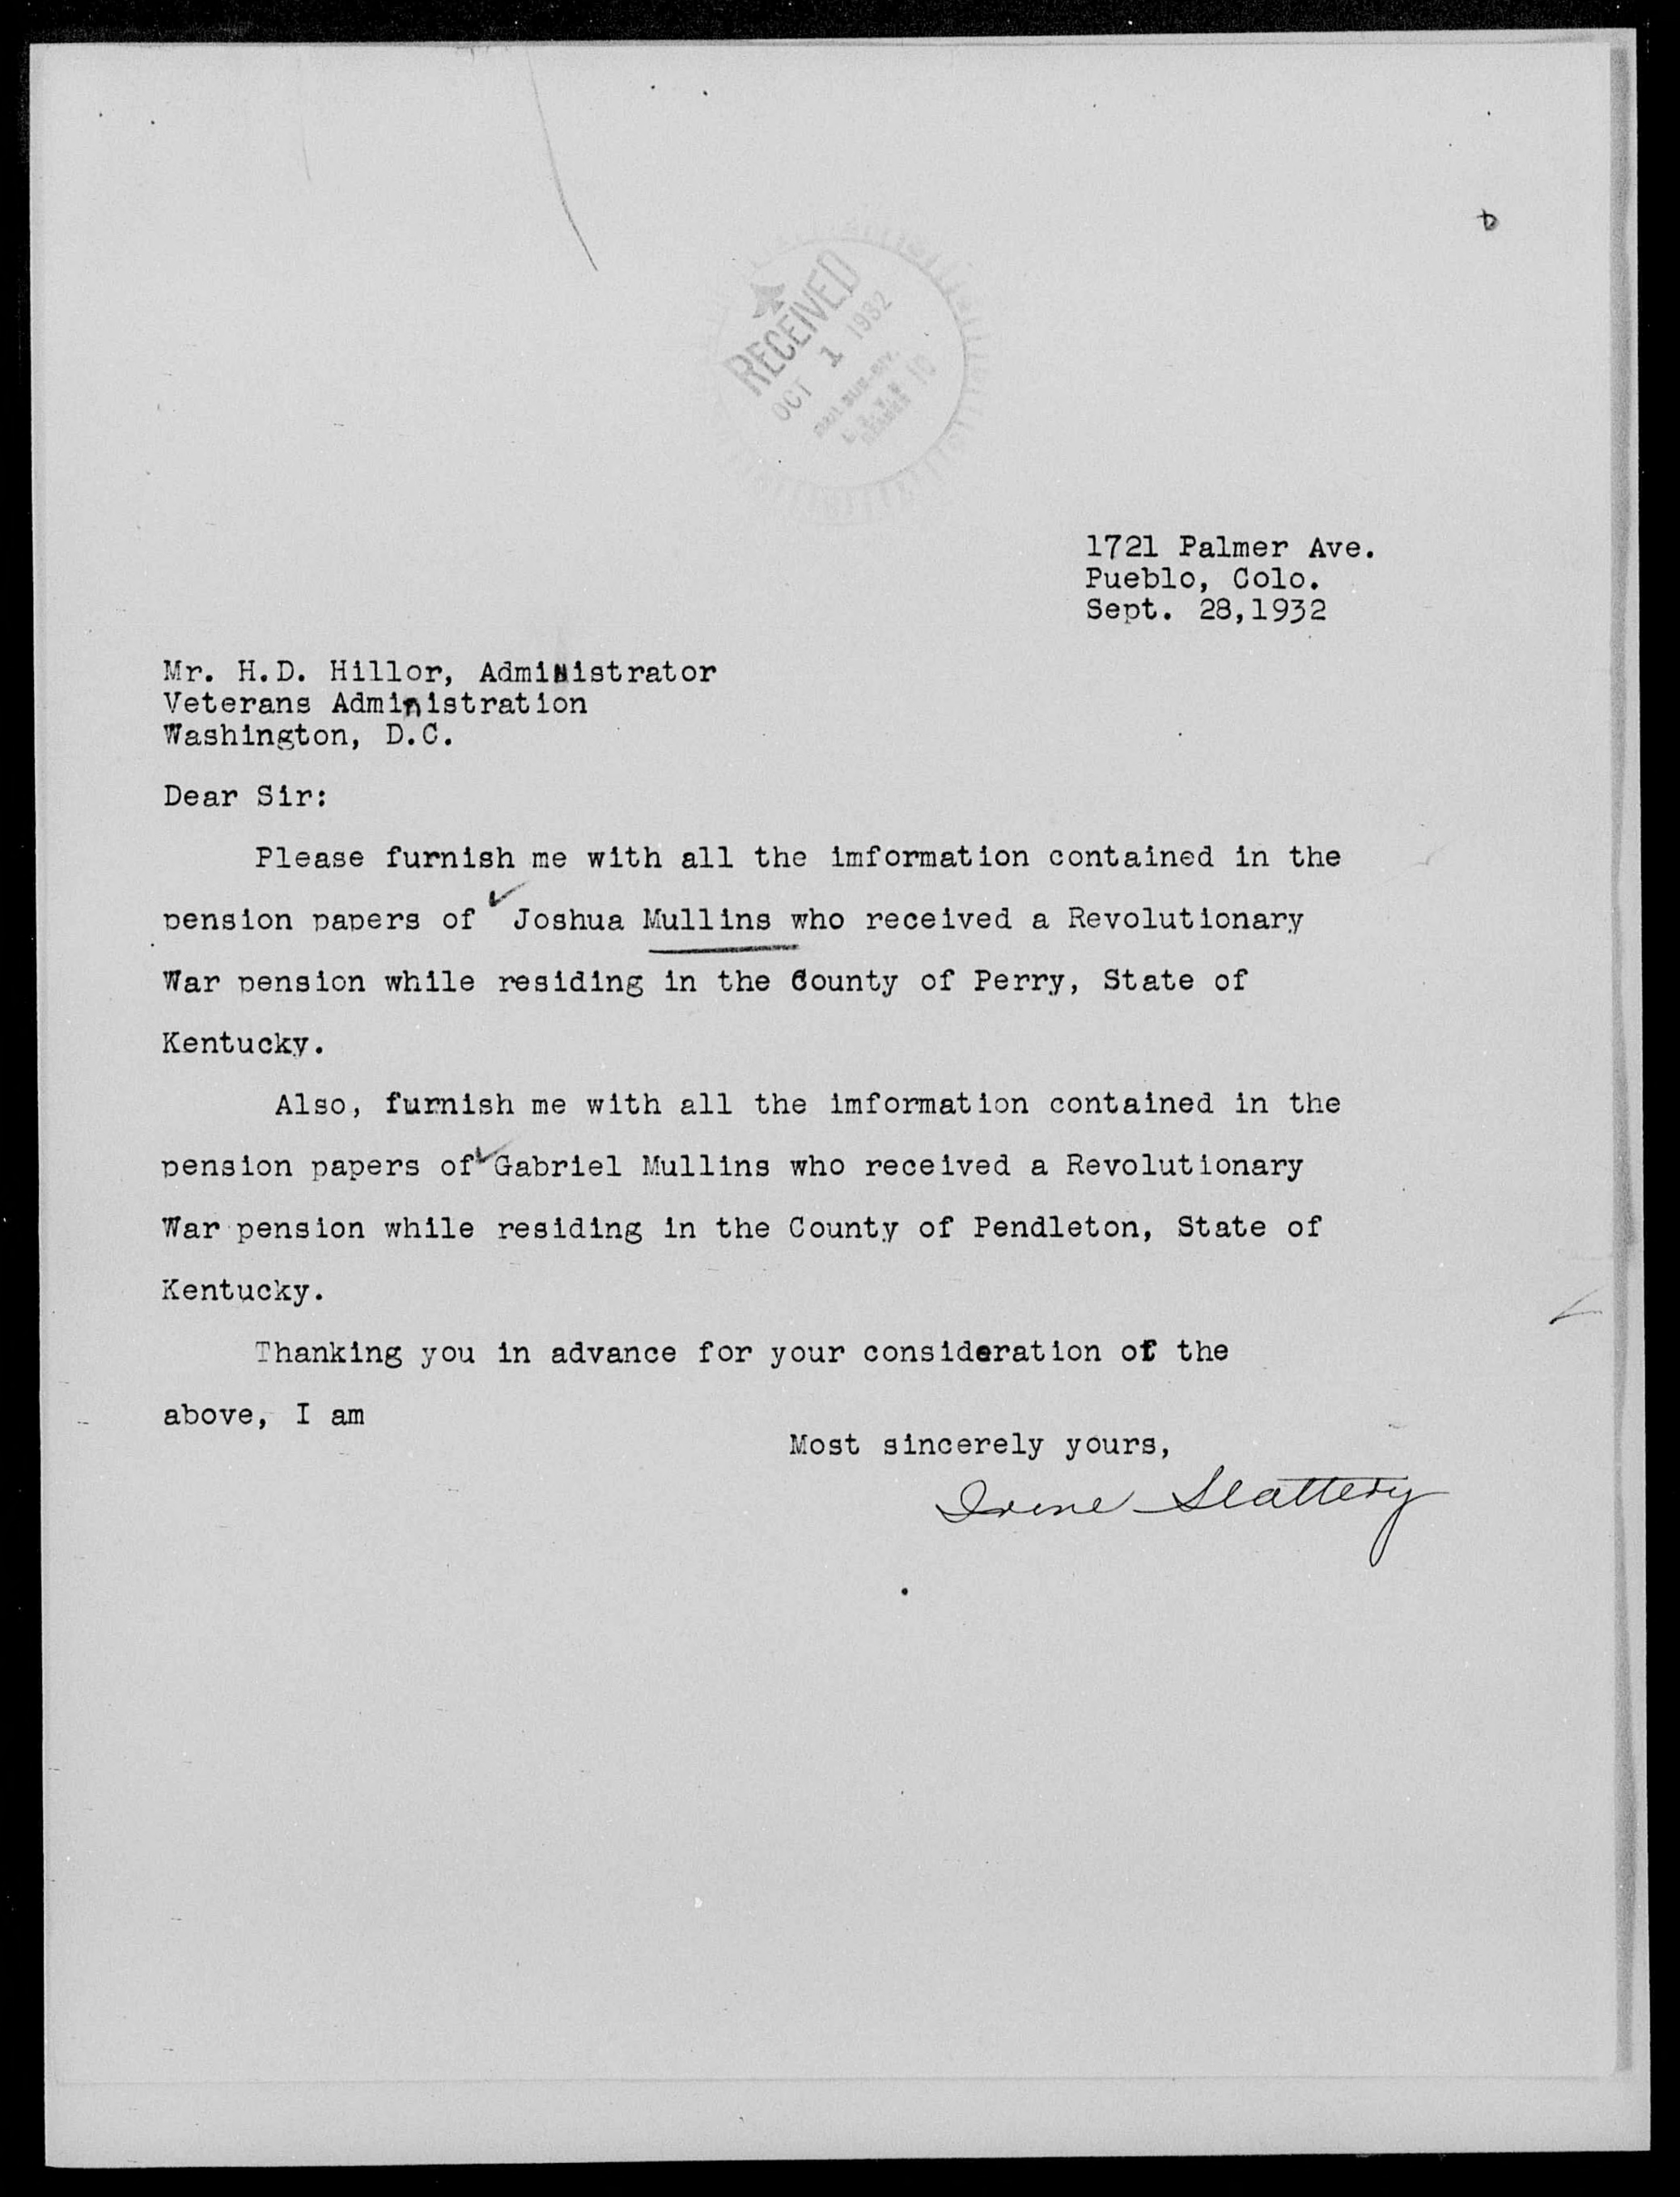1721 Palmer Ave.
                                                               Pueblo, Colo.
                                                               Sept. 28, 1932
Mr. H. D. Hillor, Administrator
Veterans Administration
Washington, D.C.
Dear Sir:

    Please furnish me with all the information contained in the
pension papers of Joshua Mullins who received a Revolutionary War
pension while residing in the County of Perry, State of
Kentucky.
    Also, furnish me with all the information contained in the
pension papers of Gabriel Mullins who received a Revolutionary War
pension while residing in the County of Pendleton, State of
Kentucky.
Thanking you in advance for your consideration of the
above, I am
Most sincerely yours,
Irene Slattery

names: Irene Slattery; H D Hillor; Joshua Mullins; Gabriel Mullins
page: 31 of 34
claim: survivor's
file: S. 30608, for Gabrel Mullins, Virginia